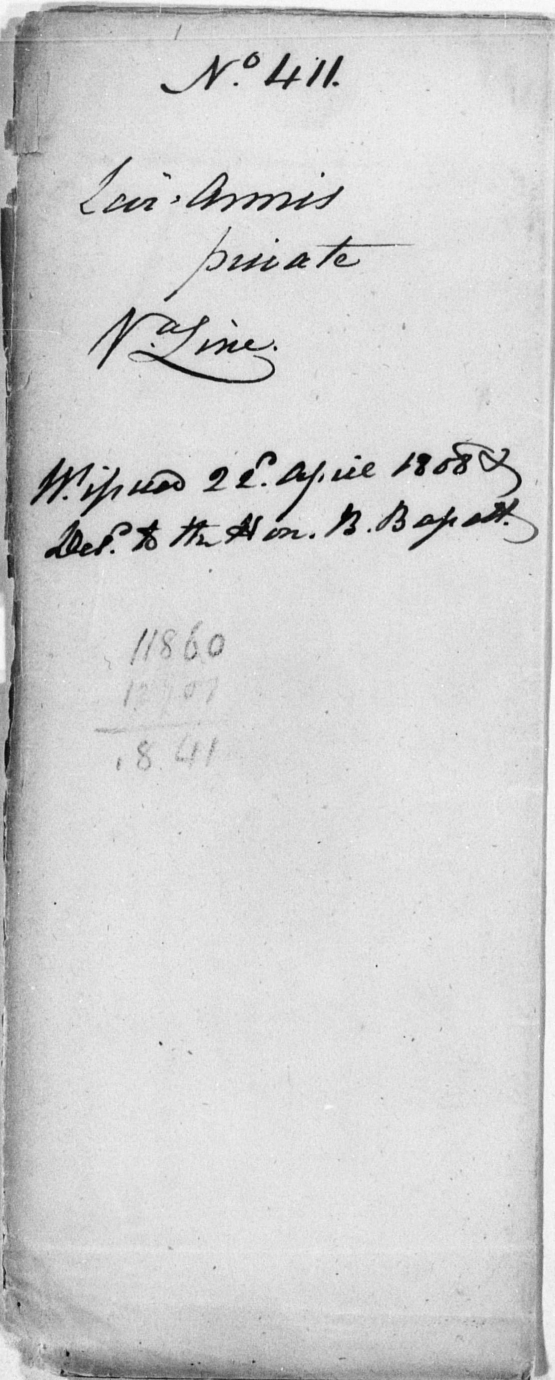No. 411
Levi Annis
Private
V Line
Witnessed 22 April 1808
Des. to the Hon. B. Baggett

[very faint]
11860
12707
1841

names: B Bassett, N Line, Levi Annis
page: 2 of 27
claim: widow's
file: W 5624, Levi Annis, Va. Va. Sea Service